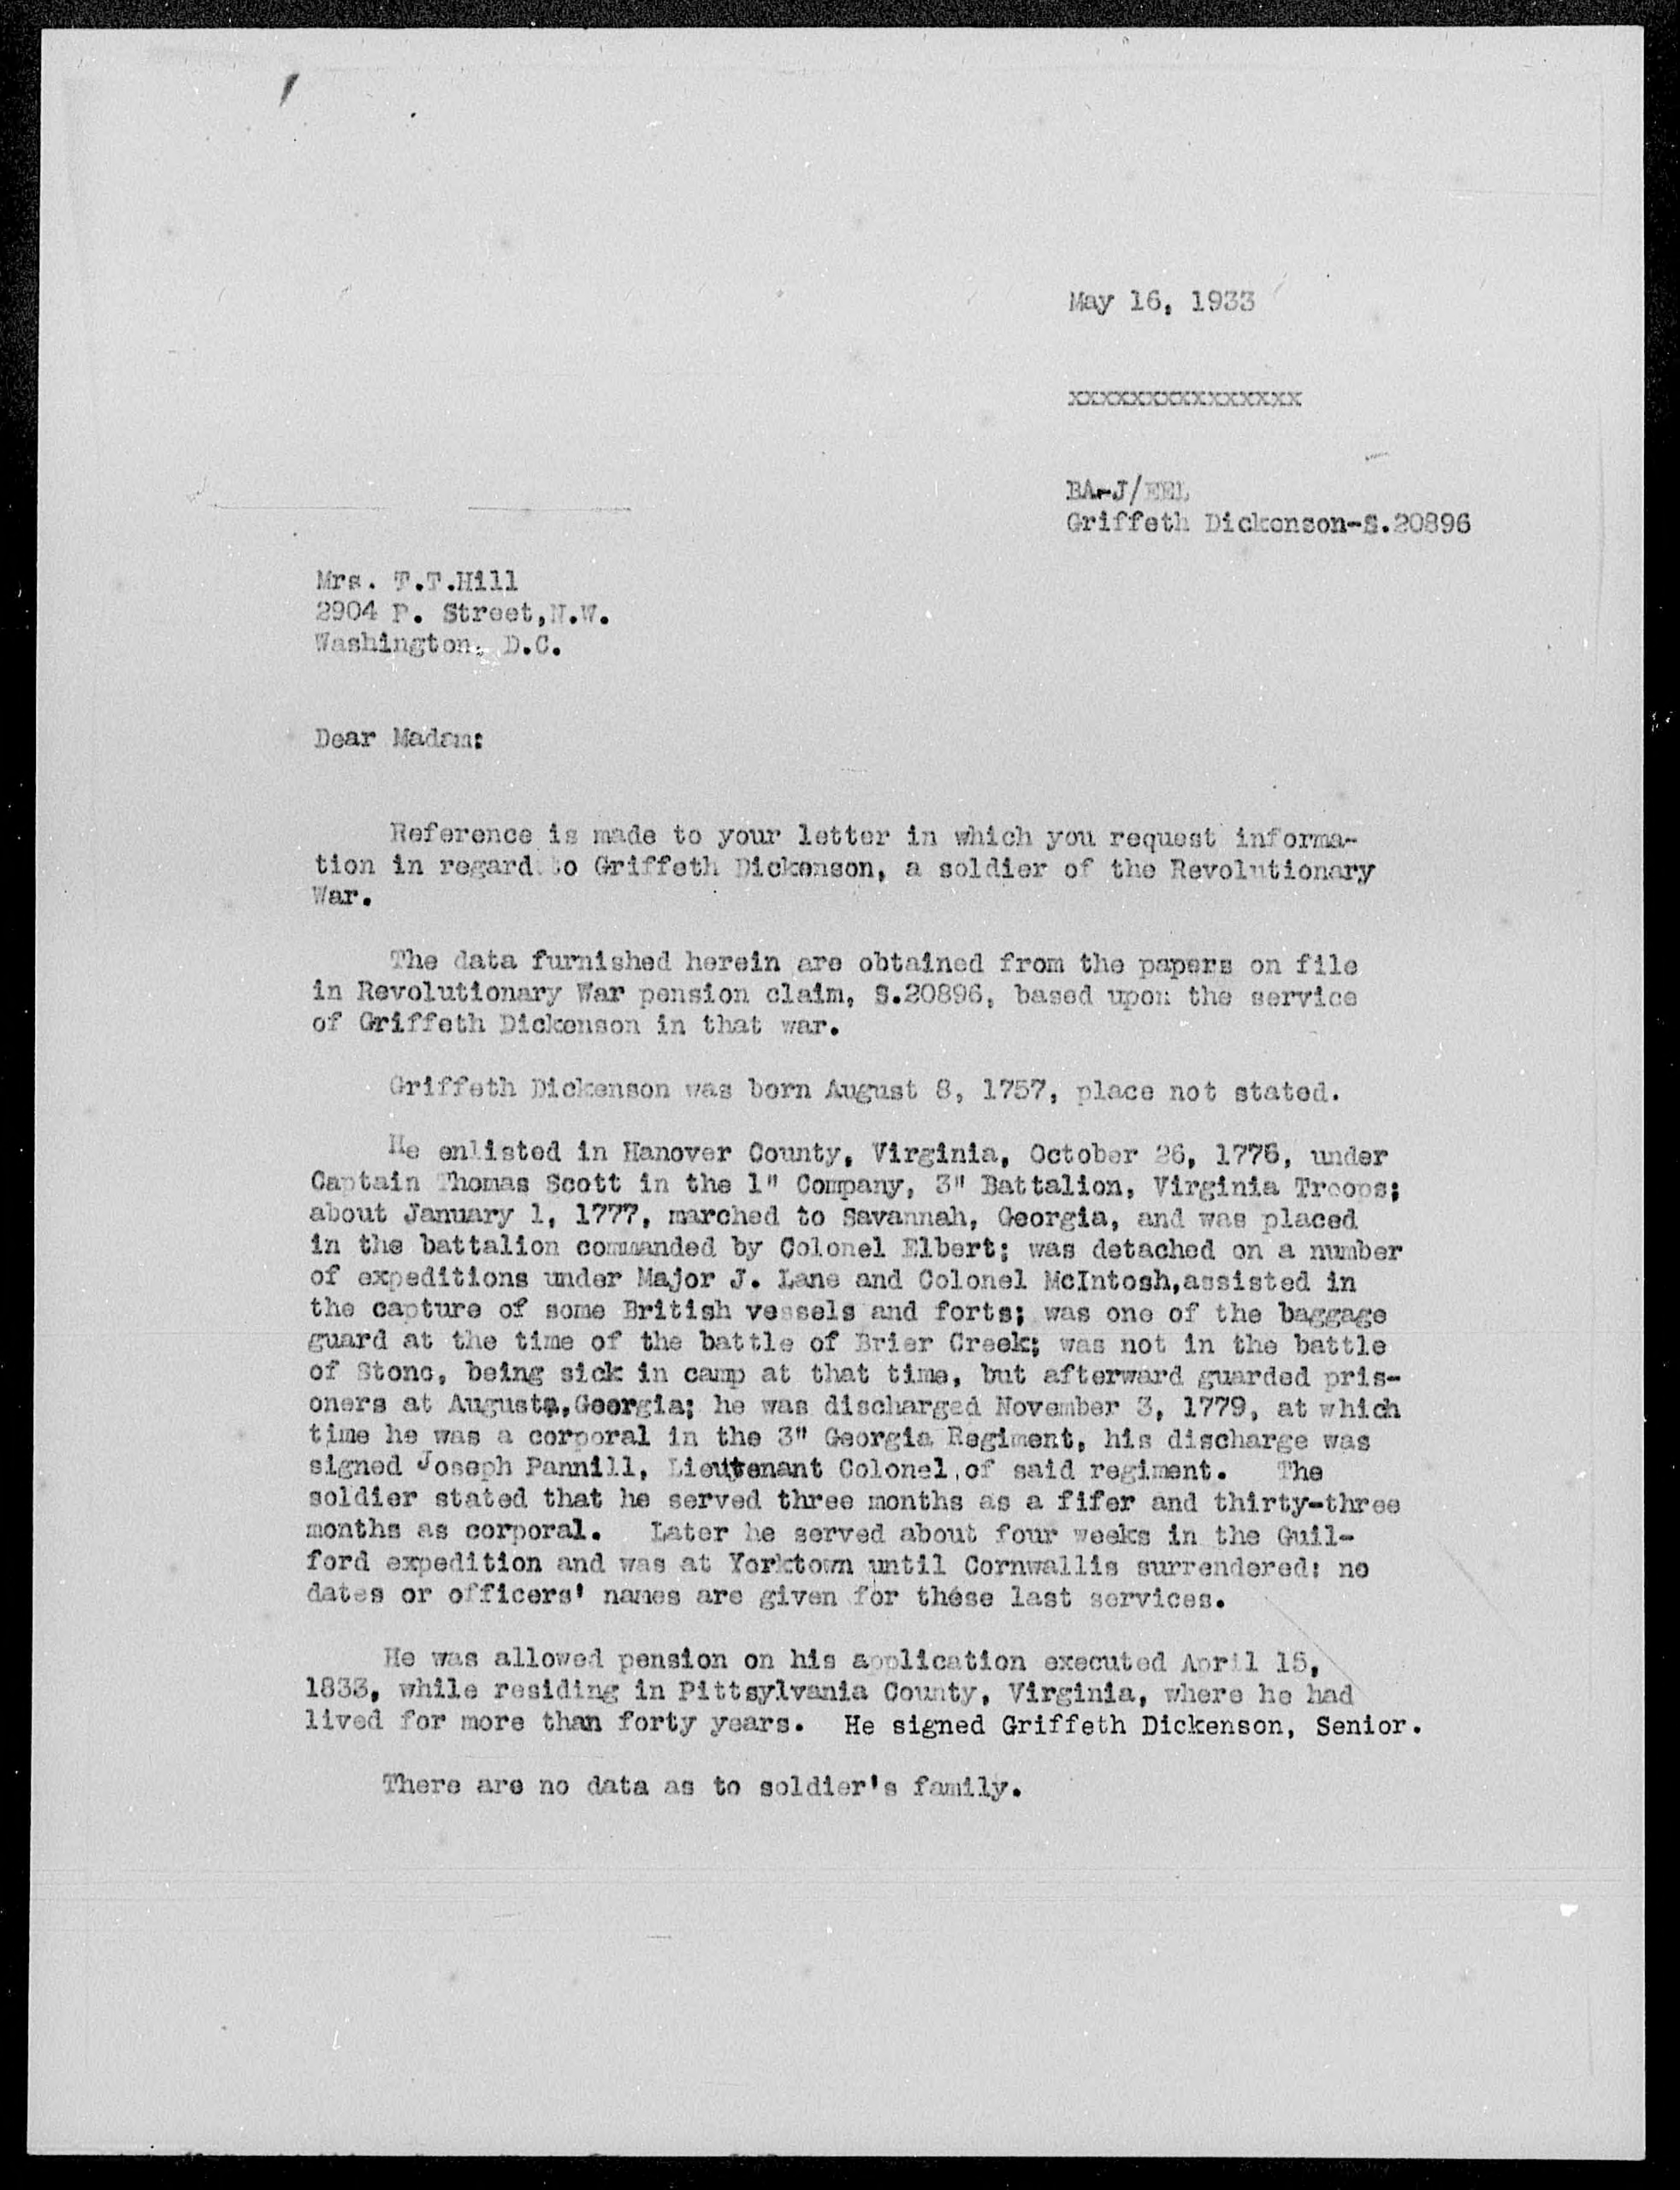May 16, 1933

xxxxxxxxxxxx

BA-J/EEL
Griffeth Dickenson-S.20896

Mrs. T.T. HIll
2904 P. Street, N.W.
Washington, D.C.

Dear Madam:

Reference is made to your letter in which you request information in regard Griffeth Dickenson, a soldier of the Revolutionary War.

The data furnished herein are obtained from the papers on file in Revolutionary War pension claim, S.30896, based upon the service of Griffeth Dickenson in that war.

Griffeth Dickenson was born August 8, 1757., place not stated.

He enlisted in Hanover County, Virgina, October 26, 1776, under Captain Thomas Scott in the 1" Company 3" Battalion, Virginia Troops: about January 1, 1777, marched to Savannah, Georgia, and was placed in the battalion commaned by Colonel Elbert: was detached on a number of expeditions under Major J. Lane and Colonel McIntosh and assisted in the capture of some British vessels and forts: was one of the baggage guard at the battle of Brier Creek: was not in the battle of Stone, being sick in camp at that time, but afterward guarded prisoners to Augusta, Georgia: he was discharged November 3, 1779, at which time was a corporal in the 3" Georgia Regiment, his discharge was signed by Joseph Pannill, Lieutentant Colonel of said Regiment. The soldier stated that he served three months as a fifer and thirty-three months as corporal. Later, he served about four weeks in the Guilford expedition and was at Yorktown until Cornwallis surrendered: no dates nor names of officers are given for these last services.

He was allowed pension on his application executed April 15, 1833, while residing in Pittsylvania County, VIrginia where he had lived for more than forty years. He signed Griffeth Dickenson, Senior.

There are no data as to soldier's family.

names: Mc Intosh, Griffeth Dickenson, Elbert, T T Hill, Griffeth Dickenson, Thomas Scott, J Lane, Joseph Pannill, Griffeth Dickenson, Griffeth Dickenson, Griffeth Dickenson, Cornwallis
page: 20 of 26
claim: survivor's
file: S. 20896, Griffeth Dickenson, Ga. Va.